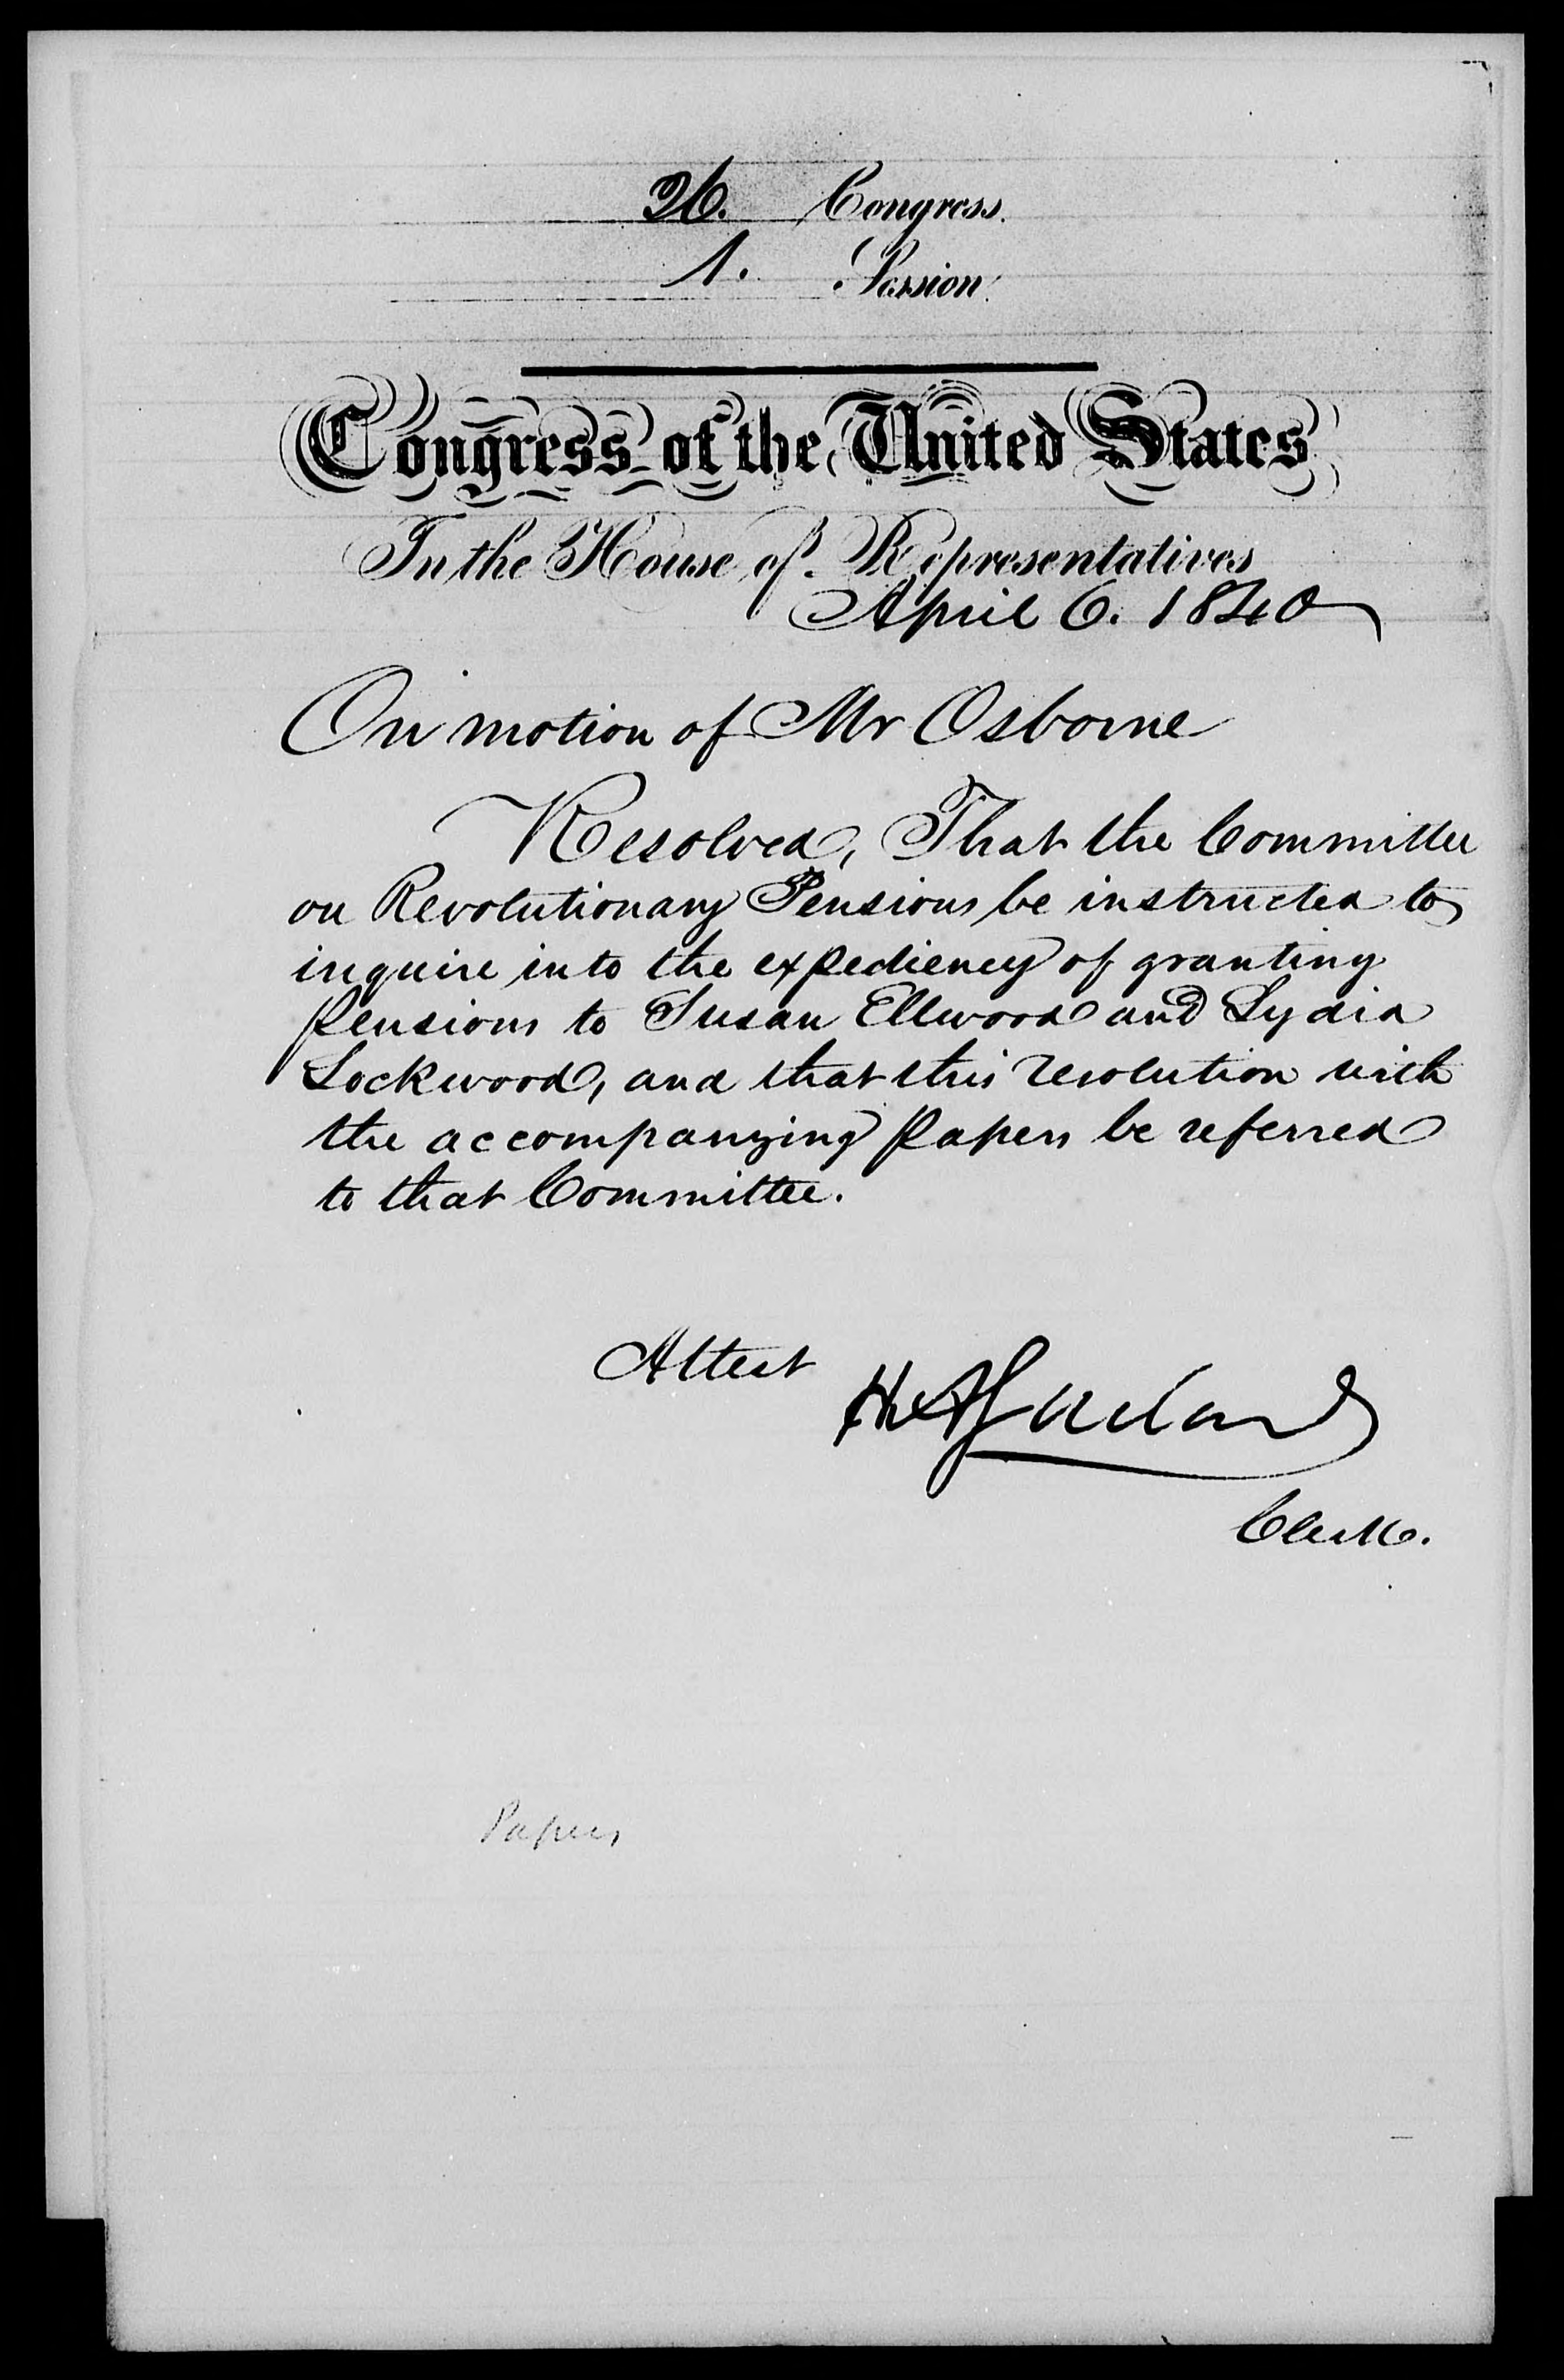W. Congress
[unk] Pension

CONGRESS OF THE UNITED STATES
In the House of Representatives

April 6, 1840

On Motion of Mr Osborne

Resolved, That the Committee on Revolutionary Pensions be instructed to inquire into the expediency of granting pension to Susan Ellwood and Lydia Lockwood, and that this resolution with the accompanying papers be referred to that Committee.

Attest
H A Sadard
Clerk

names: Lydia Lockwood, H A Sadard, Susan Ellwood, Osborne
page: 30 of 69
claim: widow's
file: W. 25562, Abijah Elwood, Conn.